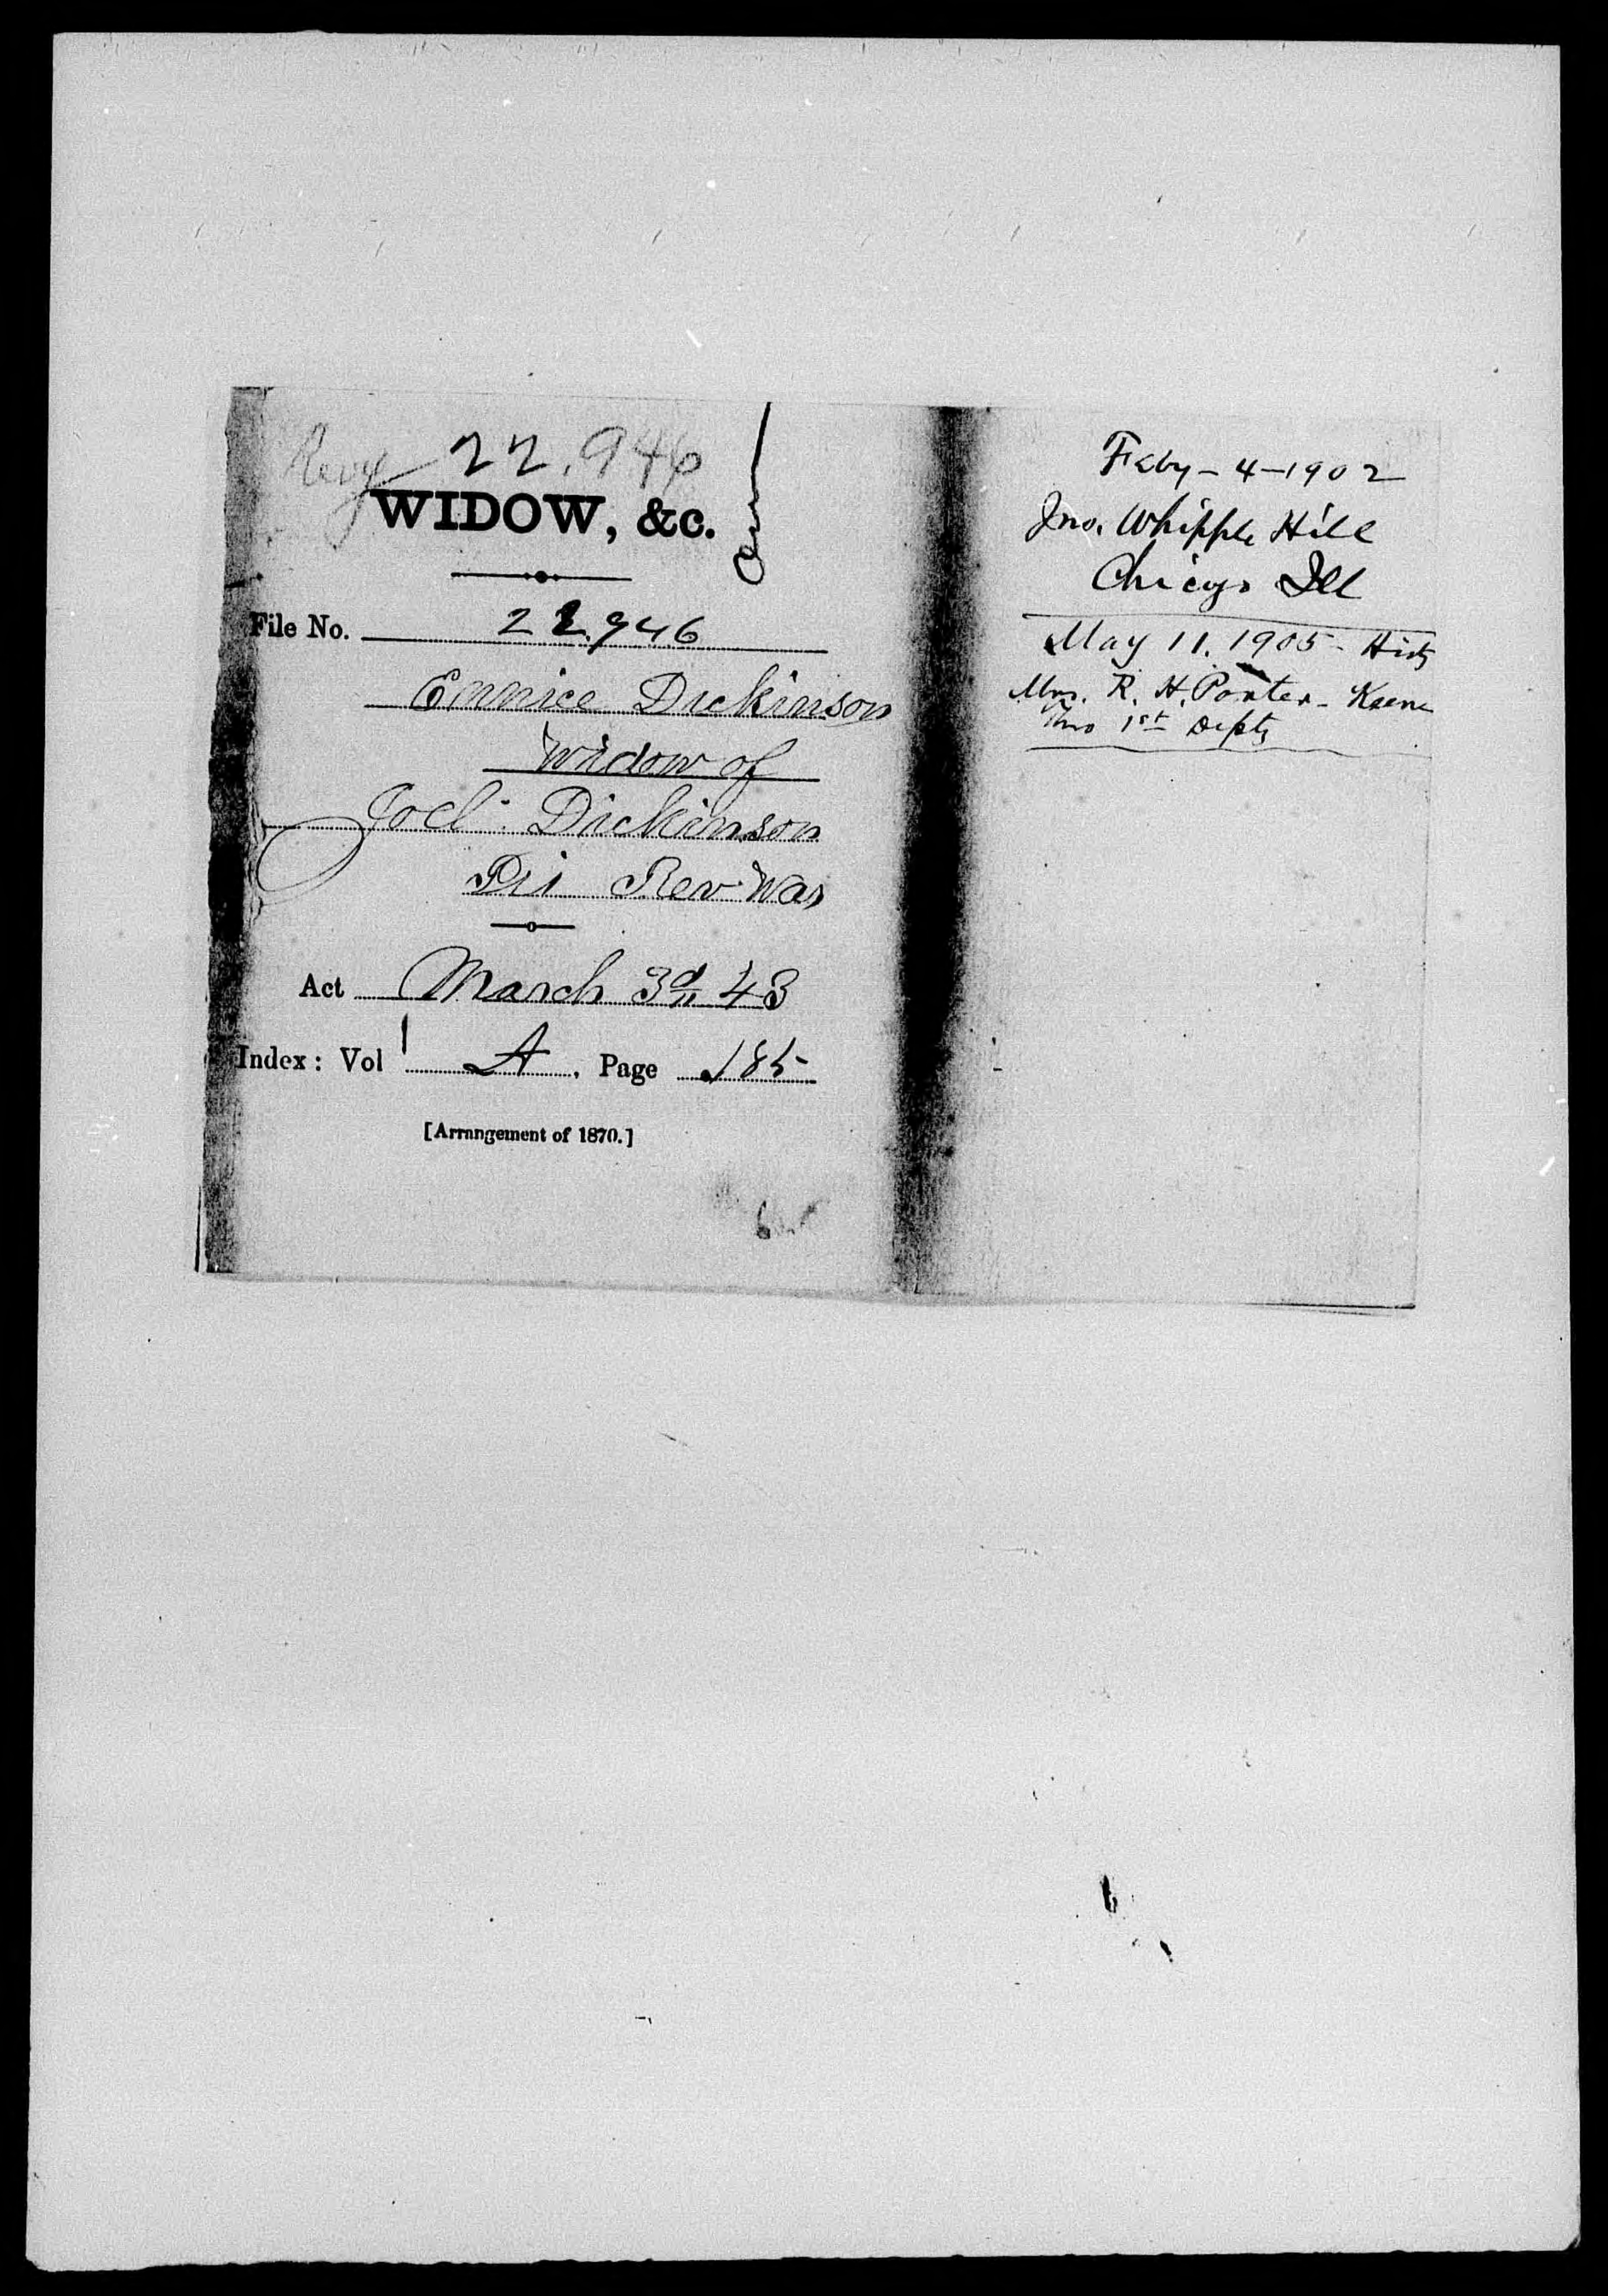Revy 22,946
WIDOW, &c.
___________________
File No.     22,946

Eunice Dickinson
widow of
Joel Dickinson
Pri  Rev  War
__________________________
Act    March 3d 43
Index:  Vol  1  A,    Page 185
[Arrangement of 1870.]




Feby_ 4_ 1902
Jno. Whipple Hill
Chicago,  Ill
_____________________
May 11, 1905   Histy
Mr. R. H. Porter Keene
Tho  1st Depty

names: Jno Whipple Hill, Eunice Dickinson, R H Porter, Joel Dickinson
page: 30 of 31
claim: widow's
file: W. 22946, Joel Dickinson, Mass.